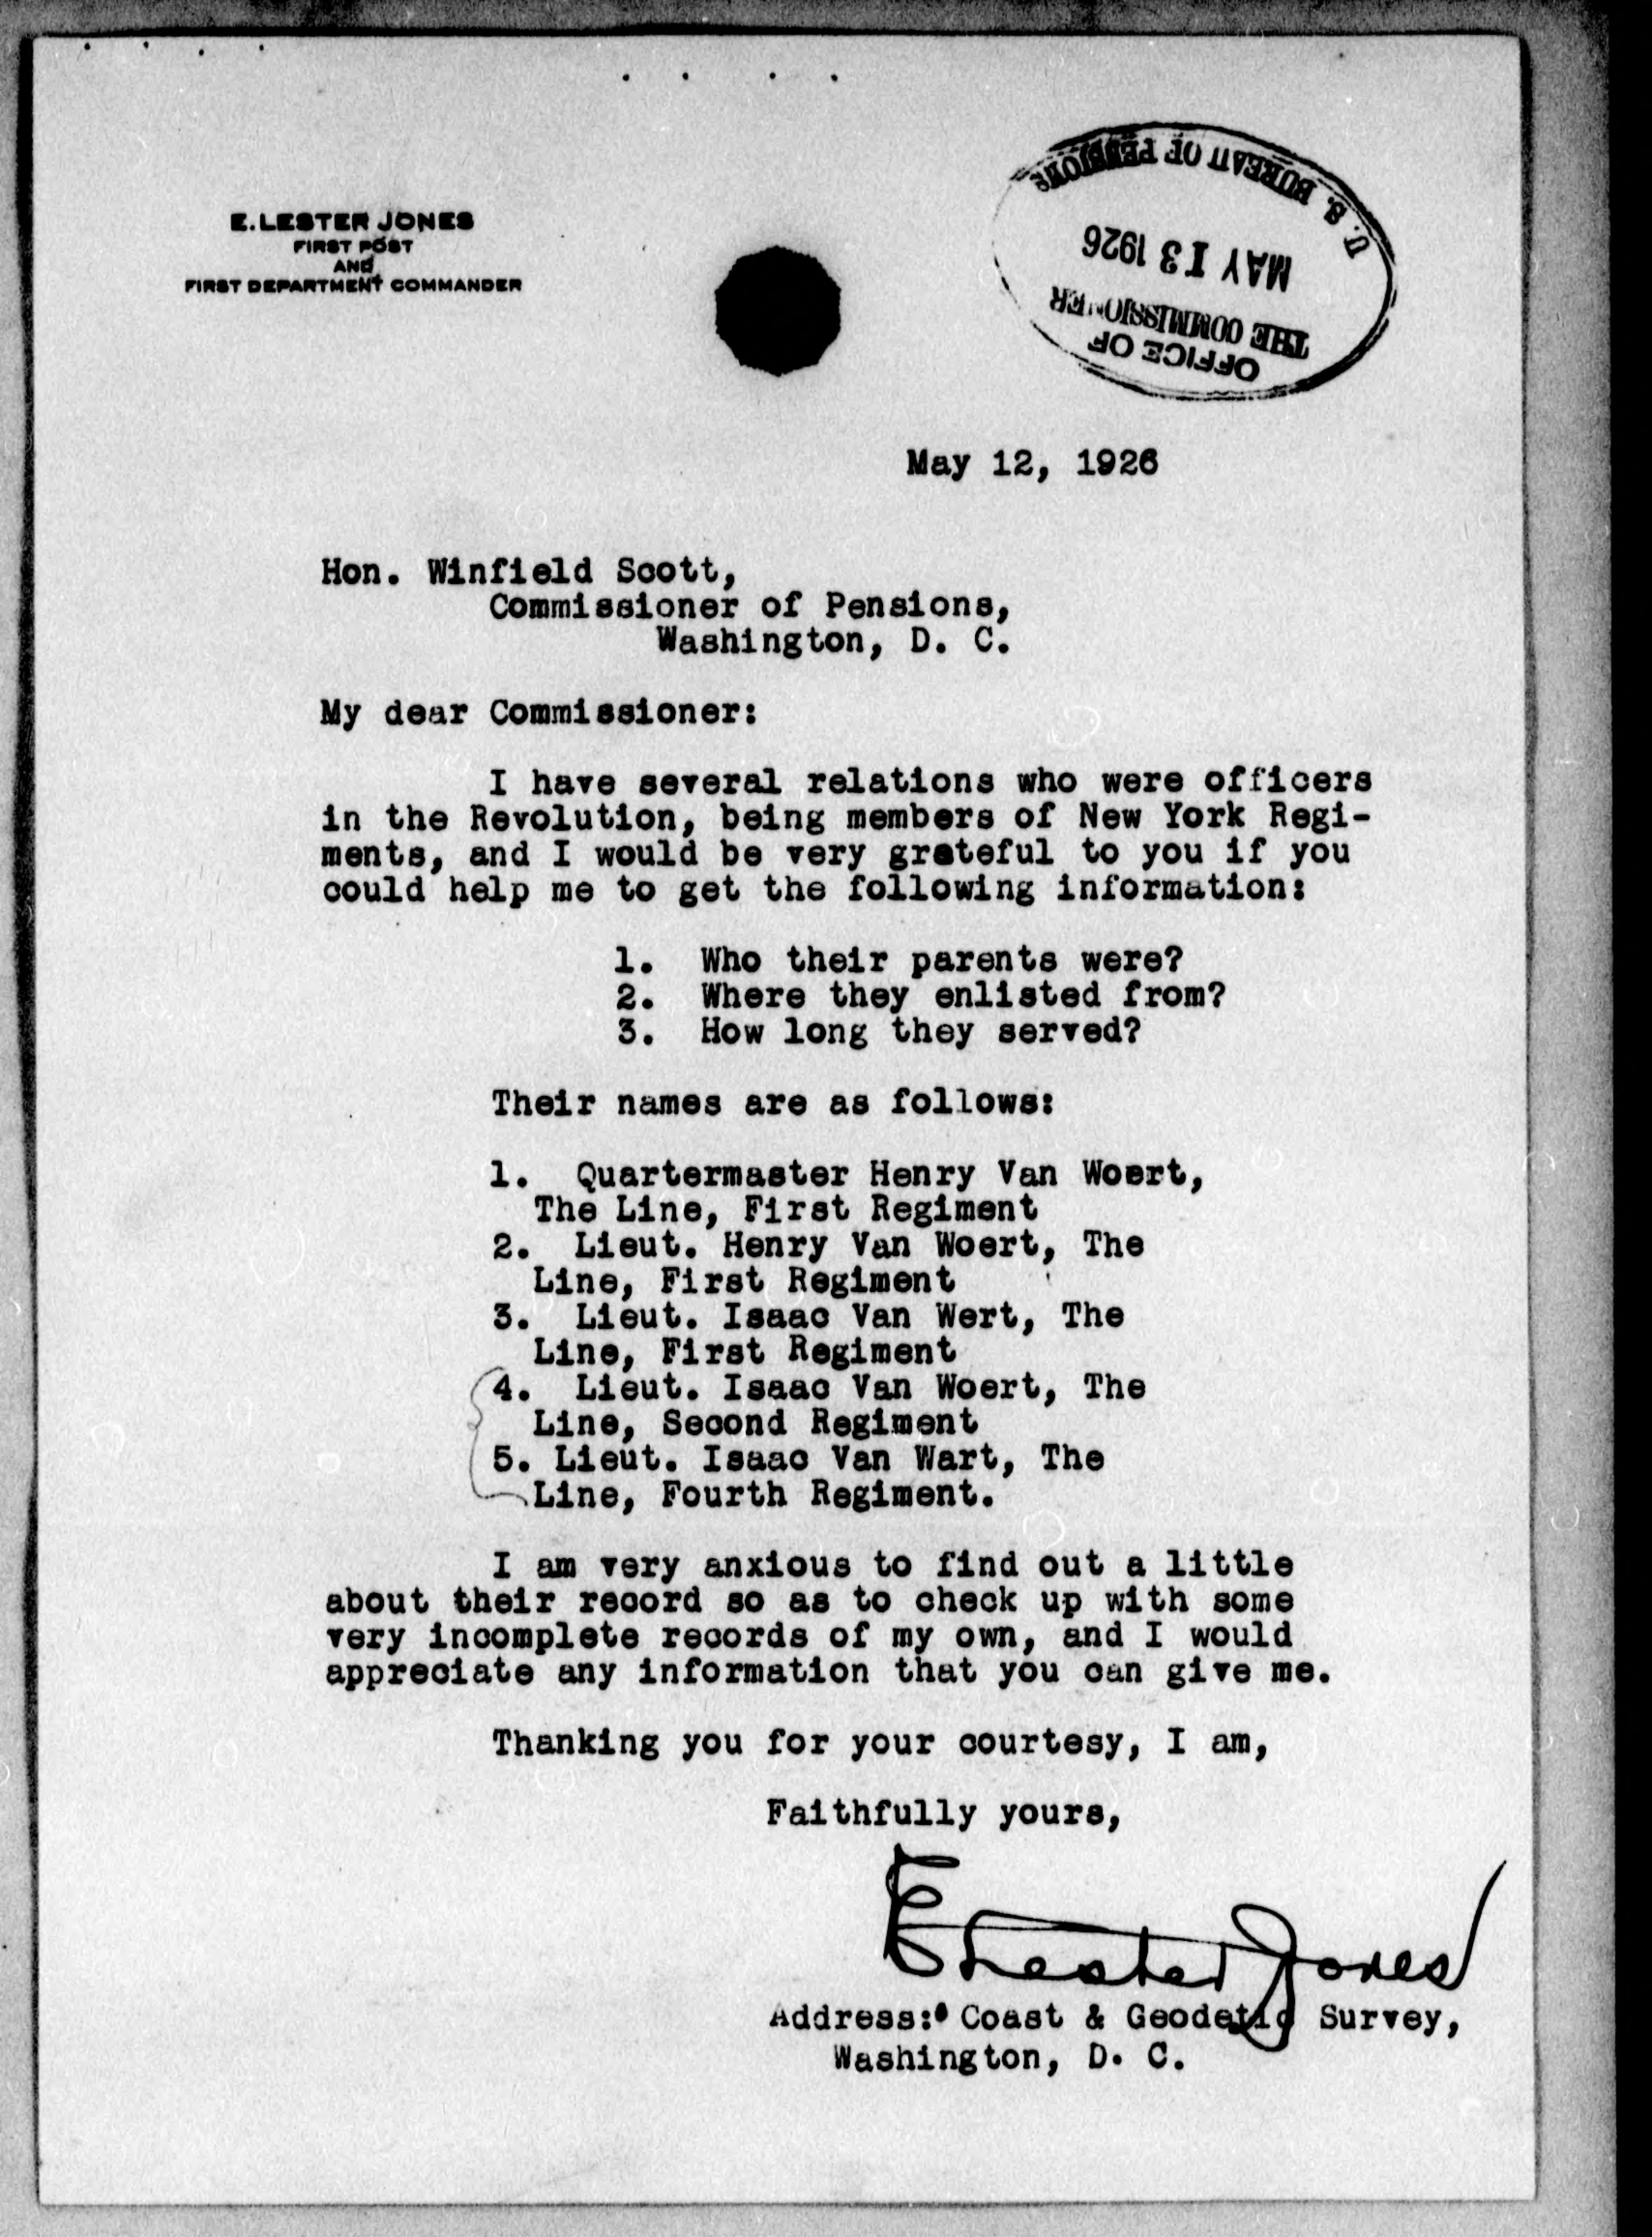E. LESTER JONES 
FIRST POST AND FIRST DEPARTMENT COMMANDER 
[stamped Office of the Commissioner U.S. Bureau of Pensions May 13 1926]
May 12, 1926 
Hon. Winfield Scott, 
Commissioner of Pensions, 
Washington, D. C. 
My dear Commissioner: 
I have several relations who were officers in the Revolution, being members of New York Regiments , and I would be very grateful to you if you could help me to get the following information: 
1. Who their parents were? 
2. Where they enlisted from? 
3. How long they served? 
Their names are as follows: 
1. Quartermaster Henry Van Woert, The Line, First Regiment 
2. Lieut. Henry Van Woert, The Line, First Regiment 
3. Lieut. Isaac Van Wert, The Line, First Regiment 
4. Lieut. Isaac Van Woert, The Line, Second Regiment 
5. Lieut. Isaac Van Wart, The Line, Fourth Regiment. 
I am very anxious to find out a little about their record so as to check up with some very incomplete records of my own, and I would appreciate any information that you can give me. 
Thanking you for your courtesy, I am, 
Faithfully yours, 
[signed] E Lester Jones 
Address: Coast & Geodetic Survey, 
Washington, D. C.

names: Henry Van Woert, E Lester Jones, Isaac Van Woert, Isaac Van Wart, Winfield Scott, Henry Van Woert, Isaac Van Wert, E Lester Jones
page: 39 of 102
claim: widow's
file: W. 18239, Isaac Van Wart, New York